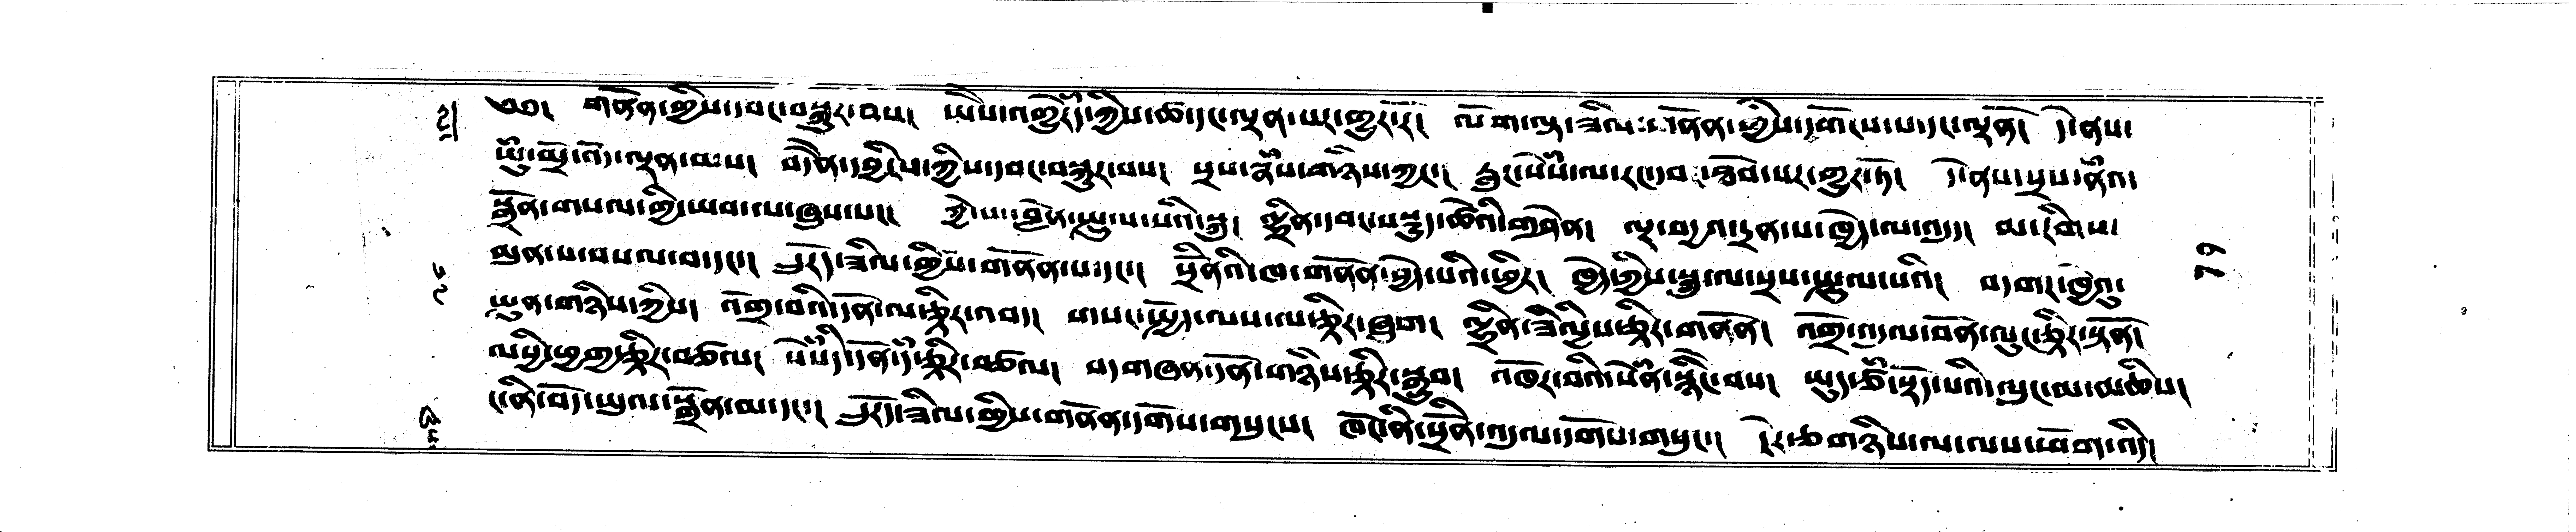གནོན་གྱིས་དབང་བསྐུར་བས། ཡེ་ཤེས་འགྱུར་མེད་ཀྱིས་ཚེ་དང་ལྡན་པར་འགྱུར་རོ། ལོག་ལྟ་ཟིལ་གནོན་གྱིས་དགོངས་པ་དང་ལྡན་ནོ། དེ་ནས་
ཡུམ་མཁའ་འགྲོ་འོད་ལྡན་མས། བདེ་ཆེན་དབྱིངས་ཀྱིས་དབང་བསྐུར་བས། སྲས་རྣམ་གཉིས་ཀྱང་། རླུང་སེམས་ལ་རང་དབང་ཐོབ་པར་གྱུར་ཏོ། དེ་ནས་སྲས་ནམ་མཁའ་
སྒྲོན་གསལ་གྱིས་ཡབ་ལ་ཞུས་པ། ཀྱེ་མ་བླ་ཆེན་སྤྲུལ་པའི་སྐུ། ལྷ་སྲིན་དབང་སྡུད་ཚེ་ཡི་གཤེན། ལྔ་བརྒྱ་དྲན་པ་ཁྱེད་ལ་འདུད། མ་རིག་
མུན་པ་བསལ་བ་དང་། དུར་ཁྲོད་ཟིལ་གྱིས་གནོན་པ་དང་། སྲིན་པོའི་ཁ་གནོན་བྱེད་པའི་ཕྱིར། ཁྱེད་ཀྱི་སྐུ་ལ་སྲས་སྤྲུལ་པའི། བདག་ཅག་ཁྱེའུ་
སྤུན་གཉིས་ཀྱིས། འགྲོ་བའི་དོན་ལ་ཅི་ལྟར་འབད། གསང་སྤྱོད་ལས་ལ་ཅི་ལྟར་ཞུགས། ལྷ་སྲིན་ཟིལ་གྱིས་ཅི་ལྟར་གནོན། འགྲོ་འདུལ་བོན་ལུང་ཅི་ལྟར་སྟོན། 
ལས་ཀྱི་ཕྱག་རྒྱ་ཅི་ལྟར་བཙལ། བདག་གཞན་དོན་གཉིས་ཅི་ལྟར་བསྒྲུབ། འཁོར་བའི་སེམས་ཅན་སྙིང་རྗེ་བས། ཡུད་ཙམ་སྡོད་པའི་ལུང་མ་མཆིས།
 ང་ནི་བོད་ཡུལ་སྒྲོན་མ་དང་། དུར་ཁྲོད་ཟིལ་གྱིས་གནོན་དགོས་གསུངས། ཁོང་ནི་སྲིན་པོ་འདུལ་དགོས་གསུངས། ངེད་ཅག་གཉིས་ལ་ལས་ཕོག་འདི།